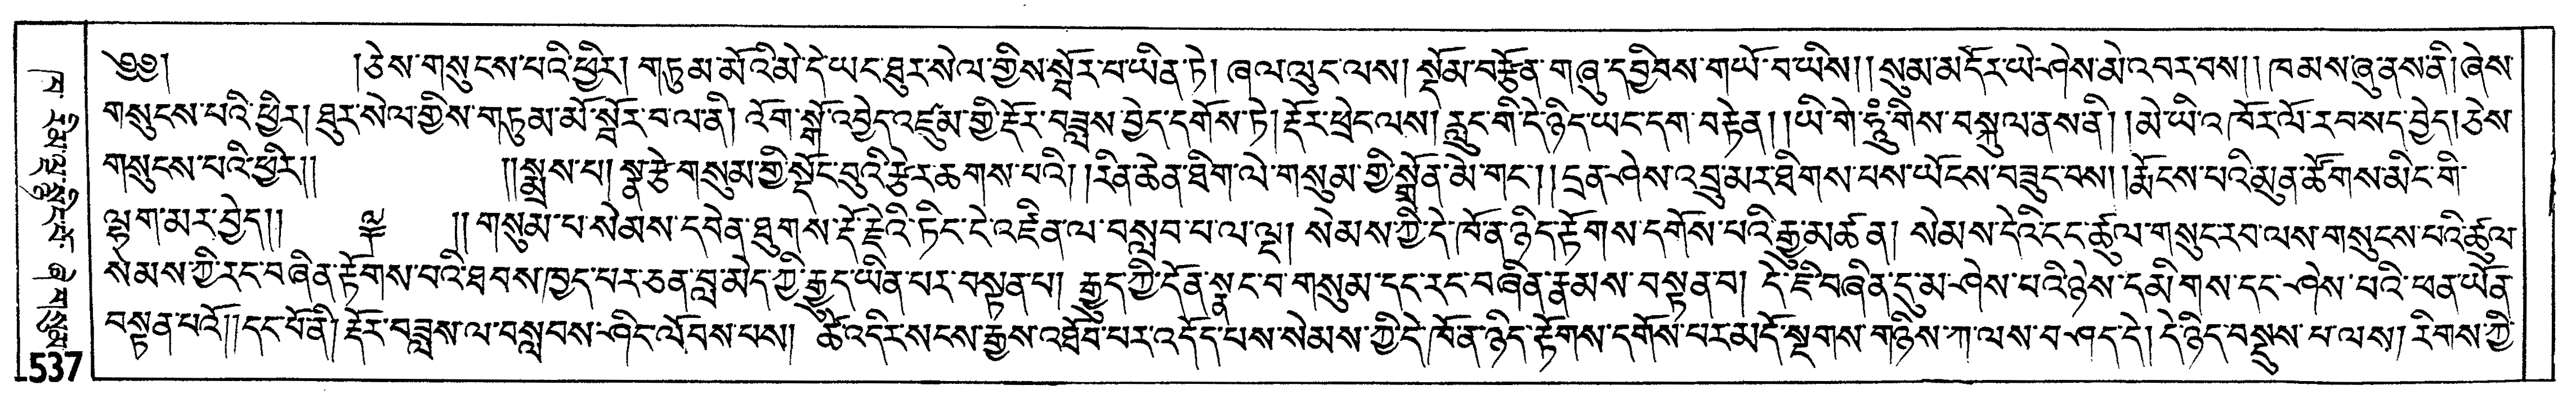༄༅། །ཅེས་གསུངས་པའི་ཕྱིར། གཏུམ་མོའི་མེ་དེ་ཡང་ཐུར་སེལ་གྱིས་སྦོར་པ་ཡིན་ཏེ། ཞལ་ལུང་ལས། སྡོམ་བརྩོན་གཞུ་དབྱིབས་གཡོ་བ་ཡིས། །སུམ་མདོར་ཡེ་ཤེས་མེ་འབར་བས། །ཁམས་ཞུ་ནས་ནི། ཞེས་
གསུངས་པའི་ཕྱིར། ཐུར་སེལ་གྱིས་གཏུམ་མོ་སྦོར་བ་ལ་ནི། འོག་སྒོ་འབྱེད་འཛུམ་གྱི་རྡོར་བཟླས་བྱེད་དགོས་ཏེ། རྡོར་ཕྲེང་ལས། རླུང་གི་དེ་ཉིད་ཡང་དག་བརྟེན། །ཡི་གེ་ཧཱུཾ་གིས་བསྐུལ་ནས་ནི། །མེ་ཡི་འཁོར་ལོ་རབ་སད་བྱེད། ཅེས་
གསུངས་པའི་ཕྱིར།། །།སྨྲས་པ། སྣ་རྩེ་གསུམ་གྱི་སྡོང་བུའི་རྩེར་ཆགས་པའི། །རིན་ཆེན་ཐིག་ལེ་གསུམ་གྱི་སྒྲོན་མེ་གང་། །དྲན་ཤེས་འབྲུ་མར་ཐིགས་པས་ཡོངས་བཟུང་བས། །རྨོངས་པའི་མུན་ཚོགས་མིང་གི་
ལྷག་མར་བྱེད།། ༈ །།གསུམ་པ་སེམས་དབེན་ཐུགས་རྡོ་རྗེའི་ཏིང་ངེ་འཛིན་ལ་བསླབ་པ་ལ་ལྔ། སེམས་ཀྱི་དེ་ཁོ་ན་ཉིད་རྟོགས་དགོས་པའི་རྒྱུ་མཚན། སེམས་དེའི་ངང་ཚུལ་གསུང་རབ་ལས་གསུངས་པའི་ཚུལ་
སེམས་ཀྱི་རང་བཞིན་རྟོགས་པའི་ཐབས་ཁྱད་པར་ཅན་བླ་མེད་ཀྱི་རྒྱུད་ཡིན་པར་བསྟན་པ། རྒྱུད་ཀྱི་དོན་སྣང་བ་གསུམ་དང་རང་བཞིན་རྣམས་བསྟན་བ། དེ་ཇི་བཞིན་དུ་མ་ཤེས་པའི་ཉེས་དམིགས་དང་ཤེས་པའི་ཕན་ཡོན་
བསྟན་པའོ། །དང་པོ་ནི། རྡོར་བཟླས་ལ་བསླབས་ཤིང་ལོབས་པས། ཚེ་འདིར་སངས་རྒྱས་འཐོབ་པར་འདོད་པས་སེམས་ཀྱི་དེ་ཁོ་ན་ཉིད་རྟོགས་དགོས་པར་མདོ་སྔགས་གཉིས་ཀ་ལས་བཤད་དེ། དེ་ཉིད་བསྡུས་པ་ལས། རིགས་ཀྱི་